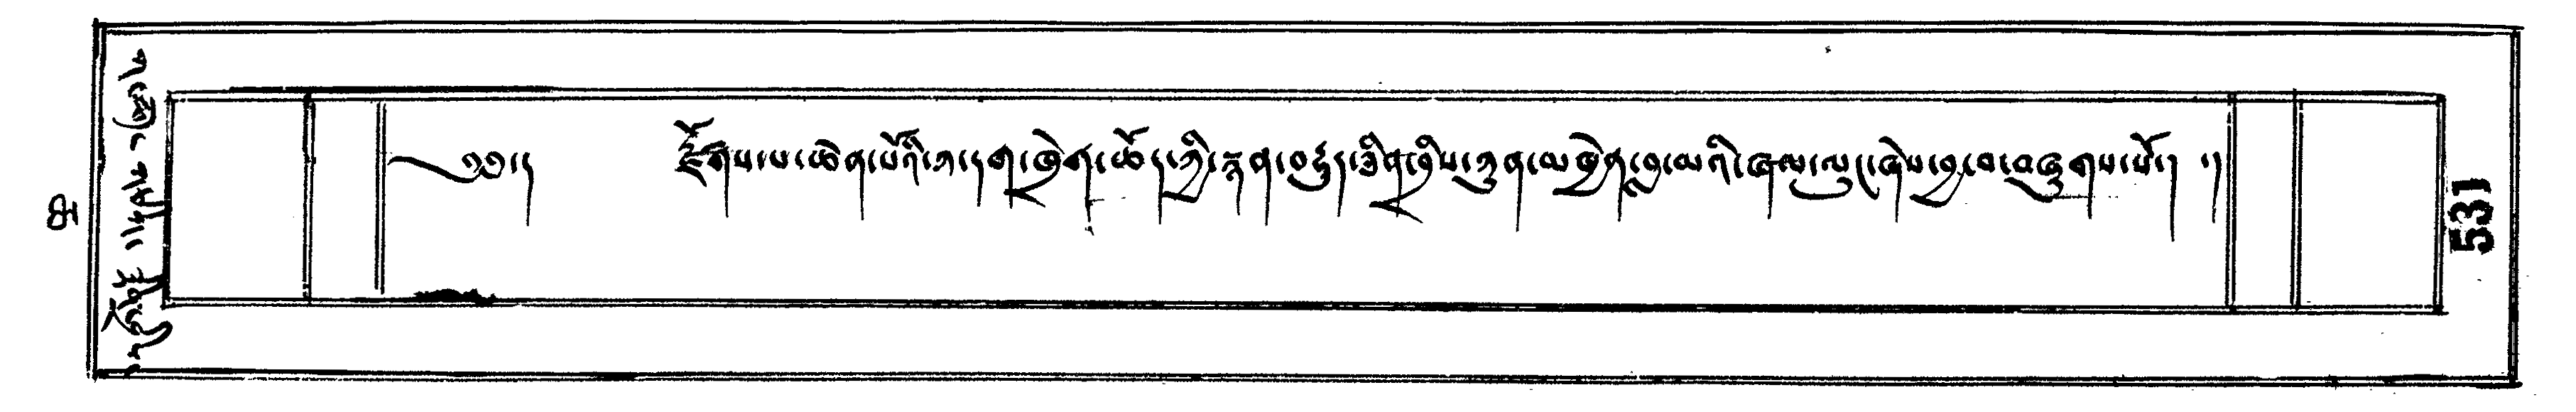༄༅། རྫོགས་པ་ཆེན་པོ་ཀ་དག་ཁྲེགས་ཆོད་ཀྱི་སྙན་བརྒྱུད་ཟིན་བྲིས་ཀུན་མཁྱེན་བླ་མའི་ཞལ་ལུང་ཞེས་བྱ་བ་བཞུགས་སོ།།